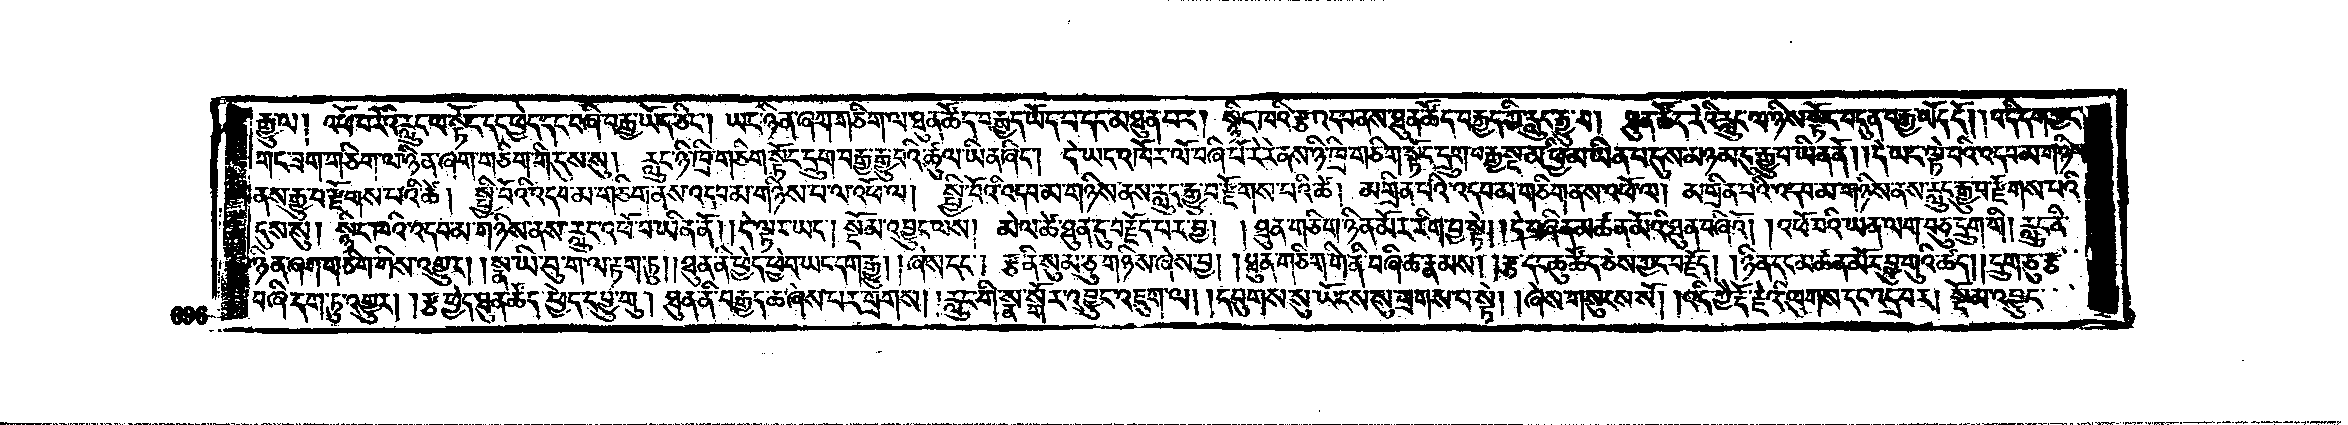རྒྱུ་ལ། འཕོ་བ་རེའི་རླུང་ལ་སྟོང་དང་ཕྱེད་དང་བཞི་བརྒྱ་ཡོད་ཅིང་། ཡང་ཉིན་ཞག་གཅིག་ལ་ཐུན་ཚོད་བརྒྱད་ཡོད་པ་དང་མཐུན་པར། སྙིང་ཁའི་རྩ་འདབ་ནས་ཐུན་ཚོད་བརྒྱད་ཀྱི་རླུང་རྒྱུ་ལ། ཐུན་ཚོད་རེའི་རླུང་ལ་ཉིས་སྟོང་བདུན་བརྒྱ་ཡོད་དེ། །འདི་དག་ཀྱང་
གང་ཟག་གཅིག་ལ་ཉིན་ཞག་གཅིག་གི་དུས་སུ། རླུང་ཉི་ཁྲི་གཅིག་སྟོང་དྲུག་བརྒྱ་རྒྱུ་བའི་ཚུལ་ཡིན་ཞིང་། དེ་ཡང་འཁོར་ལོ་བཞི་པོ་རེ་རེ་ནས་ཉི་ཁྲི་གཅིག་སྟོང་དྲུག་བརྒྱ་སྔ་མ་ཕྱི་མ་ཡིན་པ་དུས་མཉམ་དུ་རྒྱུ་བ་ཡིན་ནོ། །དེ་ཡང་ལྟེ་བའི་འདབ་མ་གཉིས་
ནས་རྒྱུ་བ་རྫོགས་པའི་ཚེ། སྤྱི་བོའི་འདབ་མ་གཅིག་ནས་འདབ་མ་གཉིས་པ་ལ་འཕོ་ལ། སྤྱི་བོའི་འདབ་མ་གཉིས་ནས་རླུང་རྒྱུ་བ་རྫོགས་པའི་ཚེ། མགྲིན་པའི་འདབ་མ་གཅིག་ནས་འཕོ་ལ། མགྲིན་པའི་འདབ་མ་གཉིས་ནས་རླུང་རྒྱུ་བ་རྫོགས་པའི་
དུས་སུ། སྙིང་ཁའི་འདབ་མ་གཉིས་ནས་རླུང་འཕོ་བ་ཡིན་ནོ། །དེ་ལྟར་ཡང་། སྡོམ་འབྱུང་ལས། མེལ་ཚེ་ཐུན་དུ་བརྗོད་པར་བྱ། །ཐུན་གཅིག་ཉིན་མོར་རིག་བྱ་སྟེ། །དེ་བཞིན་མཚན་མོའི་ཐུན་བཞིའོ། །འཕོ་བའི་ཡན་ལག་བཅུ་དྲུག་གི །རླུང་ནི་
ཉིན་ཞག་གཅིག་གིས་འགྱུར། །སྣ་ཡི་བུ་ག་ལ་རྟག་ཏུ། །ཐུན་ནི་ཕྱེད་ཕྱེད་ཡང་དག་རྒྱུ། །ཞེས་དང་། རྩ་ནི་སུམ་ཅུ་གཉིས་ཞེས་བྱ། །ཐུན་གཅིག་གི་ནི་བཞི་ཆ་རྣམས། །རྩ་དང་ཆུ་ཚོད་ཅེས་ཀྱང་བརྗོད། །ཉིན་དང་མཚན་མོ་དབྱུ་གུའི་ཚད། །དྲུག་ཅུ་རྩ་
བཞི་དག་ཏུ་འགྱུར། །རྩ་ཕྱེད་ཐུན་ཚོད་ཕྱེད་དབྱུ་གུ །ཐུན་ནི་བརྒྱད་ཆ་ཞེས་པར་གྲགས། །རླུང་གི་སྣ་སྒོར་འབྱུང་འཇུག་ལ། །དབུགས་སུ་ཡོངས་སུ་གྲགས་པ་སྟེ། །ཞེས་གསུངས་སོ། །འདི་ཀྱཻ་རྡོ་རྗེའི་ལུགས་དང་འདྲ་བར། སྡོམ་འབྱུང་